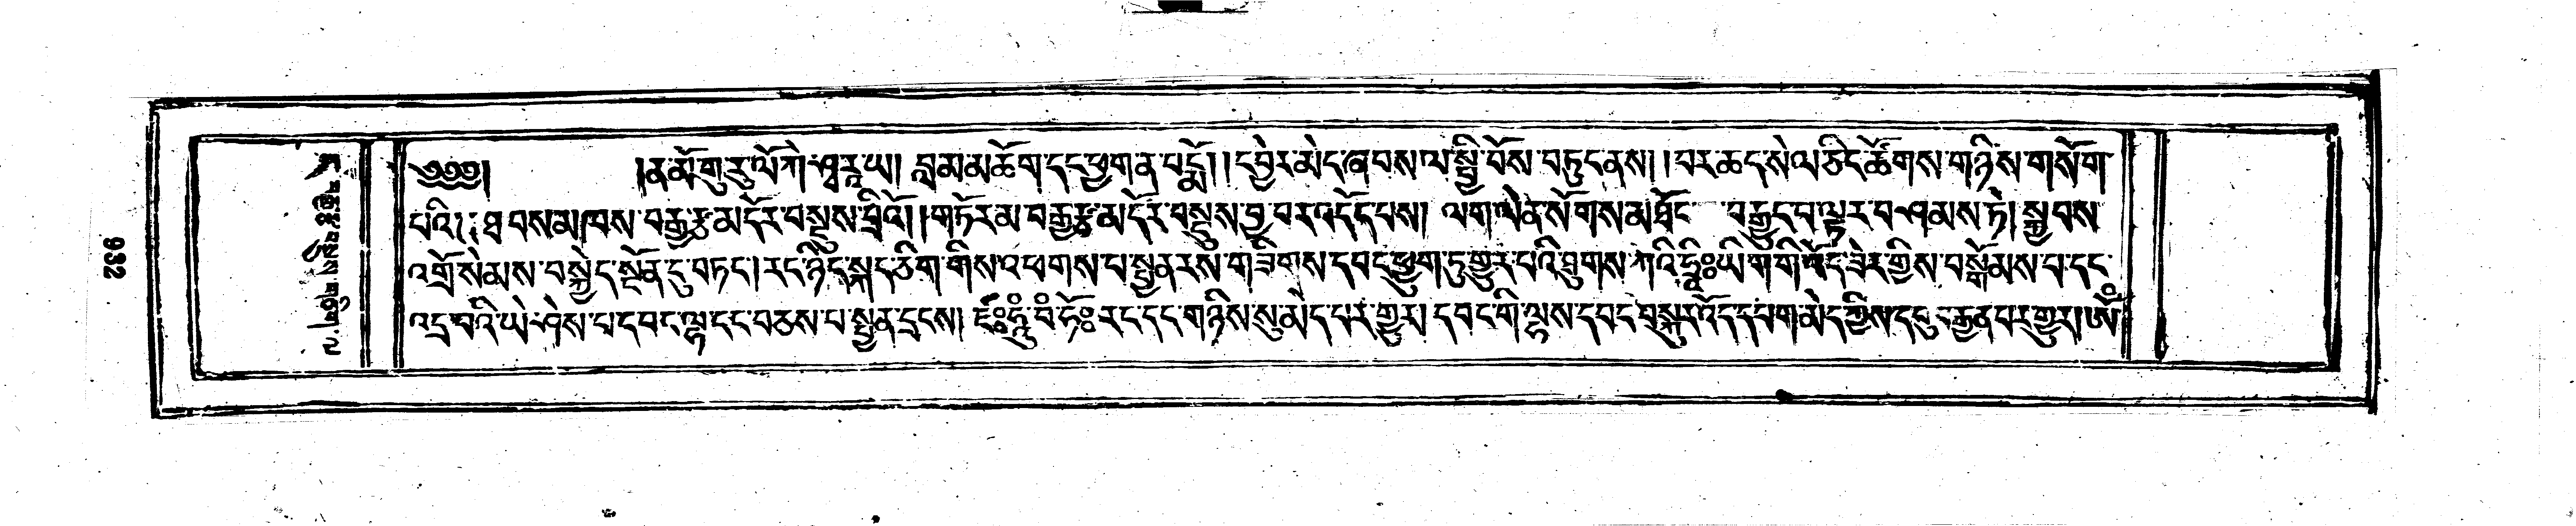༄༅༅། །ན་མོ་གུ་རུ་ལོ་ཀེ་ཤྭ་རཱ་ཡ། བླ་མ་མཆོག་དང་ཕྱག་ན་པདམོ། །དབྱེར་མེད་ཞབས་ལ་སྤྱི་བོས་བཏུད་ནས། །བར་ཆད་སེལ་ཅིང་ཚོགས་གཉིས་གསོག་
པའི༑ ༑ཐབས་མཁས་བརྒྱ་རྩ་མདོར་བསྡུས་བྲིའོ། །གཏོར་མ་བརྒྱ་རྩ་མདོར་བསྡུས་བྱ་བར་འདོད་པས། ལག་ལེན་སོགས་མཐོང་བ་བརྒྱུད་པ་ལྟར་བཤམས་ཏེ། སྐྱབས་
འགྲོ་སེམས་བསྐྱེད་སྔོན་དུ་བཏང་། རང་ཉིད་སྐད་ཅིག་གིས་འཕགས་པ་སྤྱན་རས་གཟིགས་དབང་ཕྱུག་ཏུ་གྱུར་པའི་ཐུགས་ཀའི་ཧྲཱིཿ ཡིག་གི་འོད་ཟེར་གྱིས་བསྒོམས་པ་དང་
འདྲ་བའི་ཡེ་ཤེས་པ་དབང་ལྷ་དང་བཅས་པ་སྤྱན་དྲངས། ཛཿ ཧཱུཾ་བཾ་ཧོཿ རང་དང་གཉིས་སུ་མེད་པར་གྱུར། དབང་གི་ལྷས་དབང་བསྐུར་འོད་དཔག་མེད་ཀྱིས་དབུ་བརྒྱན་པར་གྱུར། ཨོཾ་